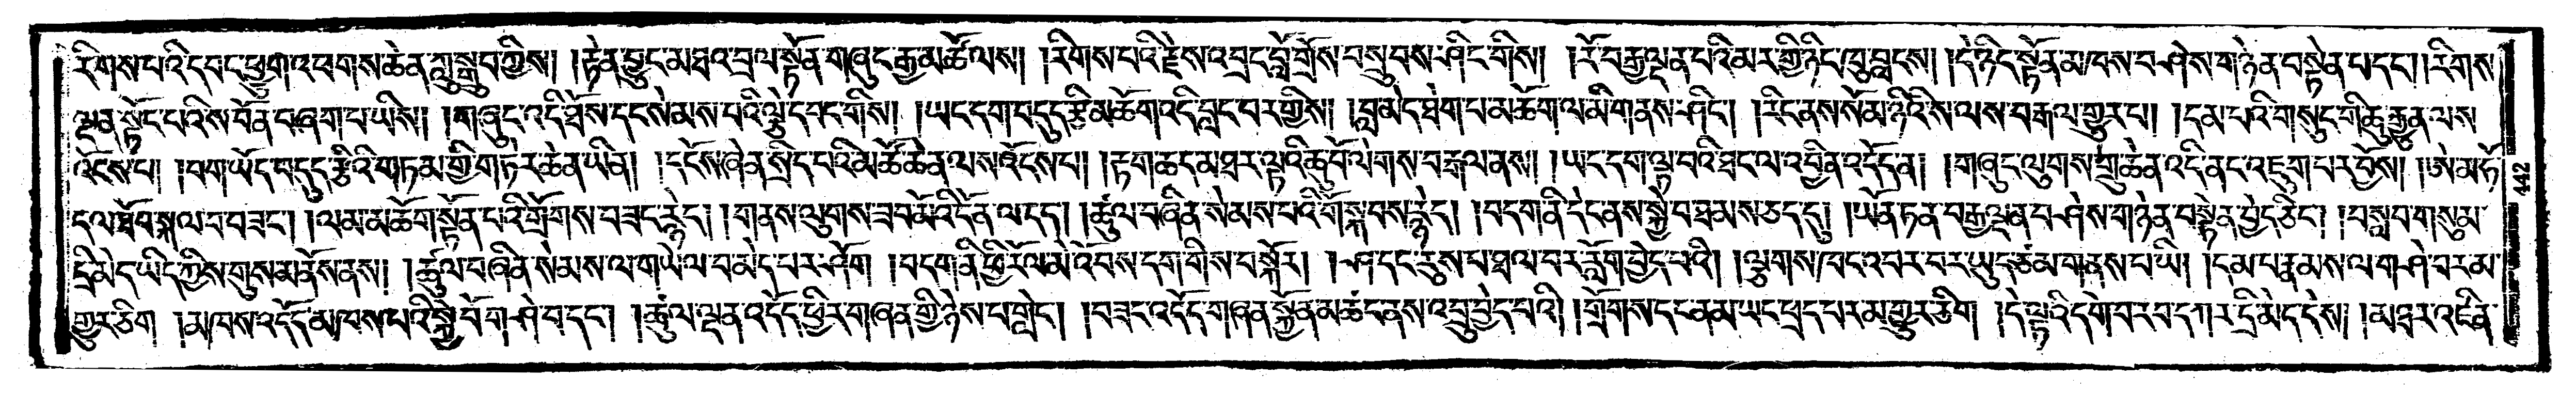རིགས་པའི་དབང་ཕྱུག་འཕགས་ཆེན་ཀླུ་སྒྲུབ་ཀྱིས། །རྟེན་བྱུང་མཐའ་བྲལ་སྟོན་གཞུང་རྒྱ་མཚོ་ལས། །རིགས་པའི་རྗེས་འབྲང་བློ་གྲོས་བསྲུབས་ཤིང་གིས། །རོ་བརྒྱ་ལྡན་པའི་མར་གྱི་ཉིད་ཁུ་བླངས། །དེ་ཉིད་སྟོན་མཁས་བཤེས་གཉེན་བསྟེན་པ་དང་། །རིགས་
ལྡན་སྟོང་པའི་ས་བོན་བཞག་པ་ཡིས། །གཞུང་འདི་ཐོས་དང་སེམས་པའི་ལྕེ་དབང་གིས། །ཡང་དག་བདུད་རྩི་མཆོག་འདི་བླང་བར་གྱིས། །བླ་མེད་ཐེག་པ་མཆོག་ལ་མི་གནས་ཤིང་། །རིང་ནས་སོམ་ཉིའི་ས་ལས་བརྒལ་གྱུར་པ། །དམ་པའི་གསུང་གི་ཆུ་རྒྱུན་ལས་
འོངས་པ། །བག་ཡོད་བདུད་རྩིའི་གཏམ་གྱི་གཏེར་ཆེན་ཡིན། །དངོས་ཞེན་སྲིད་པའི་མཚོ་ཆེན་ལས་འོངས་པ། །རྟག་ཆད་མཐར་ལྟའི་ཆུ་བོ་ལེགས་བརྒལ་ནས། །ཡང་དག་ལྟ་བའི་ཐང་ལ་འབྱིན་འདོད་ན། །གཞུང་ལུགས་གྲུ་ཆེན་འདི་ནང་འཇུག་པར་བྱོས། །ཨེ་མ་ཧོ་
དལ་ཐོབ་སྐལ་བ་བཟང་། །ལམ་མཆོག་སྟོན་པའི་གྲོགས་བཟང་རྙེད། །གནས་ལུགས་ཟབ་མོའི་དོན་ལ་དད། །ཚུལ་བཞིན་སེམས་པའི་གོ་སྐབས་རྙེད། །བདག་ནི་དེང་ནས་སྐྱེ་བ་ཐམས་ཅད་དུ། །ཡོན་ཏན་བརྒྱ་ལྡན་བཤེས་གཉེན་བསྟེན་བྱེད་ཅིང་། །བསླབ་གསུམ་
དྲི་མེད་ཡིད་ཀྱིས་གུས་མནོས་ནས། །ཚུལ་བཞིན་སེམས་ལ་གཡེལ་བ་མེད་པར་ཤོག །བདག་ནི་ཕྱི་རོལ་མེ་འོབས་དག་གིས་བསྐོར། །ཤ་དང་རུས་པ་ཐལ་བར་རློག་བྱེད་པའི། །ལྕགས་ཁང་འབར་བར་ཡུད་ཙམ་གནས་པ་ཡི། །དམ་པ་རྣམས་ལ་གཤེ་བར་མ་
གྱུར་ཅིག །མཁས་འདོད་མཁས་པའི་སྐྱེ་བོ་གཤེ་བ་དང་། །ཚུལ་ལྡན་འདོད་ཕྱིར་གཞན་གྱི་ཉེས་པ་གླེང་། །བཟང་འདོད་གཞན་སྐྱོན་མཚང་ནས་འབྲུ་བྱེད་པའི། །གྲོགས་དང་ནམ་ཡང་ཕྲད་པར་མ་གྱུར་ཅིག །དེ་ལྟའི་དགེ་བར་བ་དཀར་དྲི་མེད་དེས། །མཐར་འཛིན་